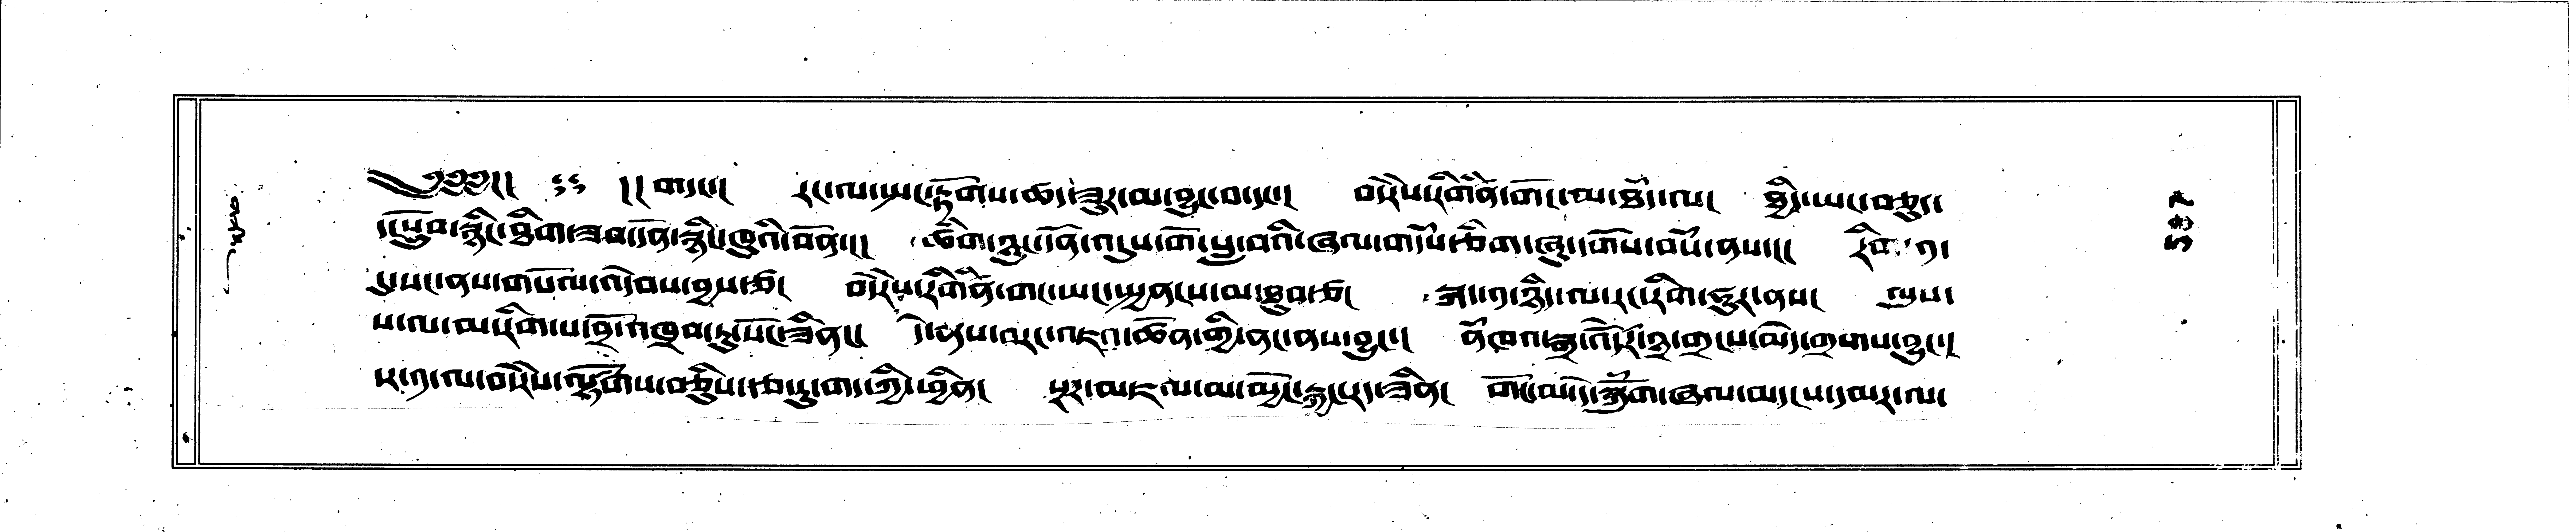བ་དང་། རང་ལ་རྟོགས་ཚད་ཟུར་མ་བྱུང་བ་དང་། བདེར་གཤེགས་རིག་འཛིན་གོང་མ་ཐབས་ཅད་ལ། ཐུགས་རྗེའི་ཡང་བཅུད་
དངོས་གྲུབ་སྙིང་ཐིག་ཟབ་དོན་སྙིང་ཁུའི་བོན། ཚིག་ཉུང་དོན་འདུ་གོ་སླ་བའི་ཞལ་གདམ་གཅིག་ཞུ་དགོས་བསམ་ནས། རི་ཁ་གཅིག་
ཏུ་སོང་ནས་གསོལ་འདེབས་བྱས་ཚེ། བདེར་གཤེགས་རིག་འཛིན་གང་ཡང་སྤྱན་དྲང་མ་ཐུབ། སྐད་གཅིག་ཉིད་ལ་རིག་པ་ཧུར་ནས། ལུས་
པོ་ས་ལ་མི་རེག་པར་བྲོ་འཁྲབ་བྱ་དུ་སོང་པ་ནི། དེ་ནས་བར་སྣང་གཞའ་ཚོན་གྱི་གང་ནས་བྱུང་། ནམ་མཁའ་ལ་སྒྲ་འོད་ཟེར་གསུམ་གྲངས་མེད་གྲགས་པ་བྱུང་། 
དར་གཅིག་ཙམ་བདེར་གཤེགས་ཀྱི་ལྷ་ཚོགས་བཅུ་གཉིས་རྩ་རུ་ཀད་ཀྱིས་བྱོན། སྔར་མཇལ་མ་མྱོང་པ་ཀྱང་རད་སིན། གོང་མ་དེ་སྐུ་མདོག་ཞལ་མདངས་དམར་ལ་